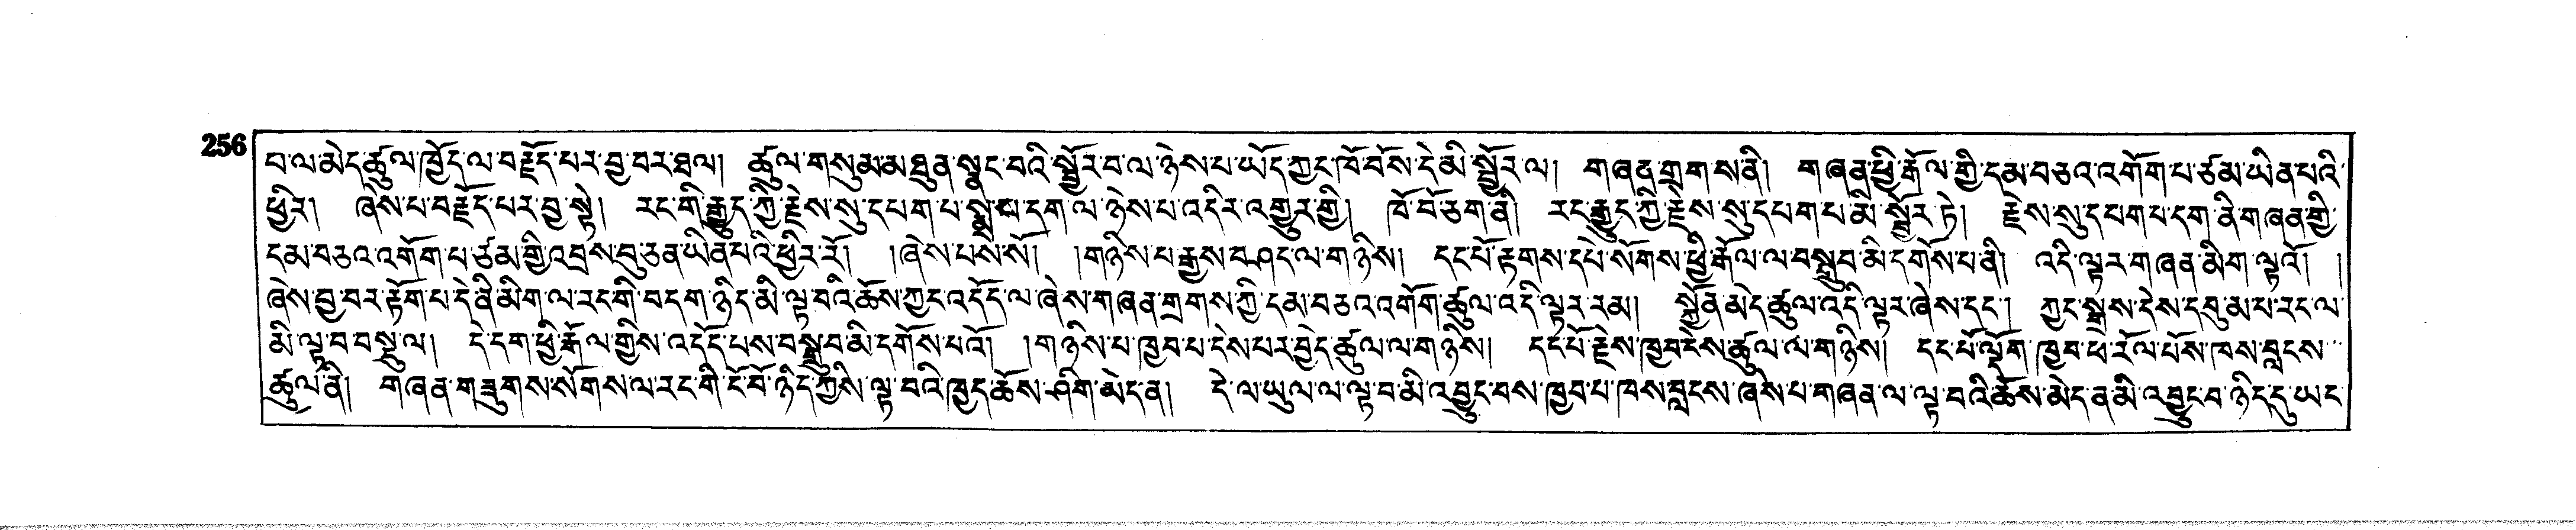པ་ལ་མེད་ཚུལ་ཁྱོད་ལ་བརྗོད་པར་བྱ་བར་ཐལ། ཚུལ་གསུམ་མཐུན་སྣང་བའི་སྦྱོར་བ་ལ་ཉེས་པ་ཡོད་ཀྱང་ཁོ་བོས་དེ་མི་སྦྱོར་ལ། གཞན་གྲགས་ནི། གཞན་ཕྱི་རྒོལ་གྱི་དམ་བཅའ་འགོག་པ་ཙམ་ཡིན་པའི་
ཕྱིར། ཞེས་པ་བརྗོད་པར་བྱ་སྟེ། རང་གི་རྒྱུད་ཀྱི་རྗེས་སུ་དཔག་པ་སྨྲ་བ་དག་ལ་ཉེས་པ་འདིར་འགྱུར་གྱི། ཁོ་བོ་ཅག་ནི། རང་རྒྱུད་ཀྱི་རྗེས་སུ་དཔག་པ་མི་སྦྱོར་ཏེ། རྗེས་སུ་དཔག་པ་དག་ནི་གཞན་གྱི་
དམ་བཅའ་འགོག་པ་ཙམ་གྱི་འབྲས་བུ་ཅན་ཡིན་པའི་ཕྱིར་རོ། །ཞེས་པས་སོ། །གཉིས་པ་རྒྱས་བཤད་ལ་གཉིས། དང་པོ་རྟགས་དཔེ་སོགས་ཕྱི་རྒོལ་ལ་བསྒྲུབ་མི་དགོས་པ་ནི། འདི་ལྟར་གཞན་མིག་ལྟའོ། །
ཞེས་བྱ་བར་རྟོག་པ་དེ་ནི་མིག་ལ་རང་གི་བདག་ཉིད་མི་ལྟ་བའི་ཆོས་ཀྱང་འདོད་ལ་ཞེས་གཞན་གྲགས་ཀྱི་དམ་བཅའ་འགོག་ཚུལ་འདི་ལྟར་རམ། སྐྱོན་མེད་ཚུལ་འདི་ལྟར་ཞེས་དང་། ཀྱང་སྒྲས་དེས་དབུ་མ་པ་རང་ལ་
མི་ལྟ་བ་བསྡུ་ལ། དེ་དག་ཕྱི་རྒོལ་གྱིས་འདོད་པས་བསྒྲུབ་མི་དགོས་པའོ། །གཉིས་པ་ཁྱབ་པ་དེས་པར་བྱེད་ཚུལ་ལ་གཉིས། དང་པོ་རྗེས་ཁྱབ་ངེས་ཚུལ་ལ་གཉིས། དང་པོ་ལྡོག་ཁྱབ་ཕ་རོལ་པོས་ཁས་བླངས་
ཚུལ་ནི། གཞན་གཟུགས་སོགས་ལ་རང་གི་ངོ་བོ་ཉིད་ཀྱིས་ལྟ་བའི་ཁྱད་ཆོས་ཤིག་མེད་ན། དེ་ལ་ཡུལ་ལ་ལྟ་བ་མི་འབྱུང་བས་ཁྱབ་པ་ཁས་བླངས་ཞེས་པ་གཞན་ལ་ལྟ་བའི་ཆོས་མེད་ན་མི་འབྱུང་བ་ཉིད་དུ་ཡང་